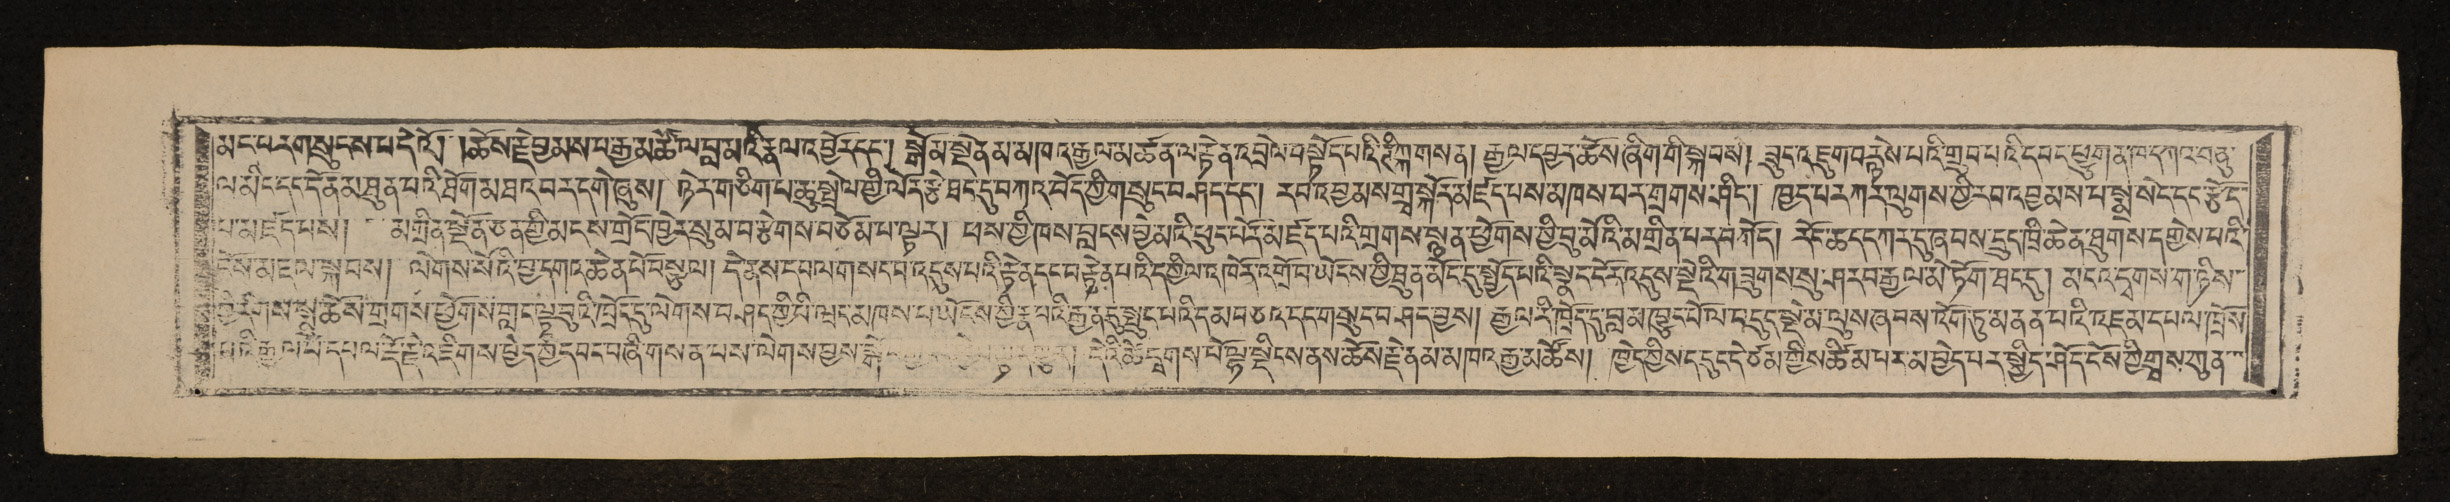མང་བར་གསུངས་པ་དེའོ། །ཆོས་རྗེ་བྱམས་པ་རྒྱ་མཚོ་ལ་བླ་མའི་རྣལ་འབྱོར་དང་། སྒོམ་སྡེ་ནམ་མཁའ་རྒྱལ་མཚན་ལ་རྟེན་འབྲེལ་བསྟོད་པའི་ཊིཀྐ་གསན། རྒྱལ་དབྱར་ཆོས་ཞིག་གི་སྐབས། ཟུང་འཇུག་བརྙེས་པའི་གྲུབ་པའི་དབང་ཕྱུག་ན་ཁ་དཀའ་བཅུ་
ལ་མིང་དང་དོན་མཐུན་པའི་ཐོག་མཐའ་བར་དགེ་ཞུས། ཉེར་གཅིག་པ་ཆུ་སྤྲེལ་གྱི་ལོར་རྩེ་ཐང་དུ་བཀའ་བོད་ཀྱི་གསུང་བཤད་དང་། རབ་འབྱམས་གྲྭ་སྐོར་མཛད་པས་མཁས་པར་གྲགས་ཤིང་། ཁྱད་པར་ཀང་ལུགས་ཀྱི་རབ་འབྱམས་པ་སྨྲ་སེང་དང་རྩོད་
པ་མཛད་པས། མགྲིན་སྔོན་ཅན་གྱི་མདས་གྲོང་ཁྱེར་སུམ་བརྩེགས་བཅོམ་པ་ལྟར། ཕས་ཀྱི་ཁས་བླངས་བྱེ་མའི་ཕུང་པོར་མཛད་པའི་གྲགས་སྙན་ཕྱོགས་ཀྱི་བུ་མོའི་མགྲིན་པར་བཀོད། རོང་ཆད་དཀར་དུ་ཞབས་དྲུང་ཁྲི་ཆེན་ཐུགས་དགྱེས་པའི་
ངོས་མཇལ་སྐབས། ལེགས་སོའི་བྱ་དགའ་ཆེན་པོ་བསྩལ། དེ་ནས་དཔལ་གསང་བ་འདུས་པའི་རྟེན་དང་བརྟེན་པའི་དཀྱིལ་འཁོར་འགྲོ་བ་ཡོངས་ཀྱི་ཐུན་མོང་དུ་སྤྱོད་པའི་སྣང་ངོར་འདུས་སྡེའི་གཟུགས་སུ་ཤར་བ་རྒྱལ་མེ་ཏོག་ཐང་དུ། མངའ་དྭགས་གཉིས་
ཀྱི་རིགས་སྨྲ་ཆོས་གྲགས་ཕྱོགས་གླང་ལྟ་བུའི་ཁྲོད་དུ་ལེགས་བཤད་ཀྱི་པི་ཝང་མཁས་པ་ཡོངས་ཀྱི་རྣ་བའི་རྒྱན་དུ་སྤུད་པའི་དམ་བཅའ་དང་གསུང་བཤད་བྱས། རྒྱལ་རི་ཁྲོད་དུ་བླ་མ་ཁྱུང་པོ་ལ་བདུད་སྡེ་མ་ལུས་ཞབས་འོག་ཏུ་མནན་པའི་འཇམ་དཔལ་ཁྲོས་
པའི་རྒྱལ་པོ་དཔལ་རྡོ་རྗེ་འཇིགས་བྱེད་ཀྱི་དབང་བཞི་གསན་པས་ལེགས་བྱས་སྒོ་བརྒྱ་རང་ཕྱེ་བ་ལྟར་གྱུར། དེའི་ཚེ་དྭགས་པོ་ལྷ་སྡིངས་ནས་ཆོས་རྗེ་ནམ་མཁའ་རྒྱ་མཚོས། ཁྱེད་ཀྱིས་ད་དུང་དེ་ཙམ་གྱིས་ཚིམ་པར་མ་བྱེད་པར་སྐྱིད་ཤོད་ངོས་ཀྱི་གྲྭ་ས་ཀུན་